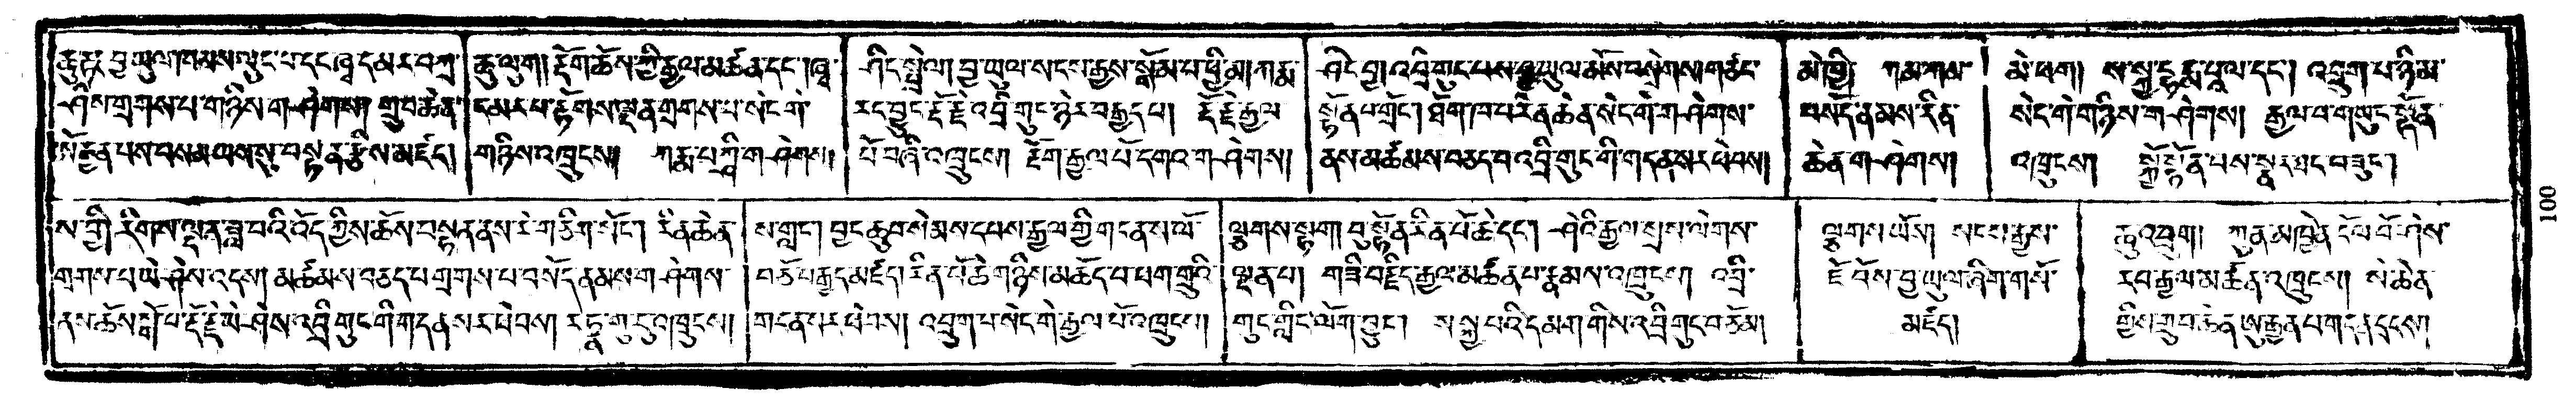ཆུ་རྟར་བྱ་ཡུལ་ཁམས་ལུང་པ་དང་ཞྭ་དམར་བཀྲ་ཆུ་ལུག། རྡོག་ཆོས་ཀྱི་རྒྱལ་མཚན་དང་། ཞྭ་ཤིང་སྤྲེལ། བྱ་ཡུལ་སངས་རྒྱས་སྒོམ་པ་ཕྱི་མ། ཀརྨ་ཤོང་བྱ། འབྲི་གུང་པས་བྱ་ཡུལ་མོས་བསྲེགས། གཙང་མེ་ཁྱི། ཀམ་ཀམ་མེ་ཕག། ས་སྐྱ་དྷརྨ་པཱ་ལ་དང་། འབྲུག་པ་ཉི་མ་
ཤིས་གྲགས་པ་གཉིས་གཤེགས། གྲུབ་ཆེན་དམར་པ་རྟོགས་ལྡན་གྲགས་སེང་གེ་རང་བྱུང་རྡོ་རྗེ་འདྲི་གུང་ཉེར་བརྒྱད་པ། རྡོ་རྗེ་རྒྱལ་སྟོན་པ་གྲོང་། ཐོག་ཁ་པ་རིན་ཆེན་སེང་གེ་གཤེགས་བསོད་ནམས་རི་སེང་གེ་གཉིས་གཤེགས། རྒྱལ་བ་གཡུང་སྟོན་
ཨོ་རྒྱན་པས་བསམ་ལས་སུ་བསྟན་རྩིས་མཛད་གཉིས་འཁྲུངས། ཀརྨ་པཀྴི་གཤེགས། པོ་བཞི་འཁྲུངས། རྔོག་རྒྱལ་པོ་དགའ་གཤེགས། ནས་མཚམས་བཅད་བ་འབྲི་གུང་གི་གདན་སར་ཕེབས། ཆེན་གཤེགས། འཁྲུངས། སྐྱོན་སྙོན་པས་སྣར་ཐད་བཟུང་།
ས་གྱི་རིགས་ལྡན་ཟླ་བའི་འདོད་ཀྱིས་ཆོས་བསན་ནས་རེ་གཅིག་སོང་། རིན་ཆེན་ས་གླང་། བྱང་ཆུབ་སེམས་དཔས་རྒྱལ་གྱི་གདན་པ་ལོ་ལྕགས་སྟག། བུ་སྟོན་རིན་པོ་ཆེ་དང་། ཤེའི་རྒྱལ་སྲས་ལེགས་ལྕགས་ཡོས། སངས་རྒྱས་ཆུ་འབྲུག། ཀུན་མཁྱེན་དོལ་བོ་ཤེས་
གྲགས་པ་ཡེ་ཤེས་འདས། མཚམས་བཅད་པ་གྲགས་པ་བསོད་ནམས་གཤེགས། བཅོམ་བརྒྱད་མཛད་རིན་པོ་ཆེ་གཉིས་མཆོད་པ་པག་གྲུའི་ལྡན་པ། གཟི་བརྗིད་རྒྱལ་མཚན་པ་རྣམས་འཁྲུངས། འབྲི་ཇོ་བོས་བྱ་ཡུལ་ཞིག་གསོ་རབ་རྒྱལ་མཚན་འཁྲུངས་སེ་ཆེན་
ནས་ཆོས་སྒོ་པ་རྡོ་རྗེ་ཡེ་ཤེས་འབྲི་གུང་གི་གདན་སར་ཕེབས། རཏྣ་གུ་དུ་འཁྲུངས་གདན་པར་ཕེབས། འབྲུག་པ་སེང་གེ་རྒྱལ་པོ་འཁྲུངས། གུང་གླིང་ལོག་བྱུང་། ས་སྐྱ་པའི་དམག་གིས་འབྲི་གུང་བཅོམ། མཛད། གྱིས་གྲུབ་ཆེན་ཨུ་རྒྱན་པ་གདན་དྲངས།